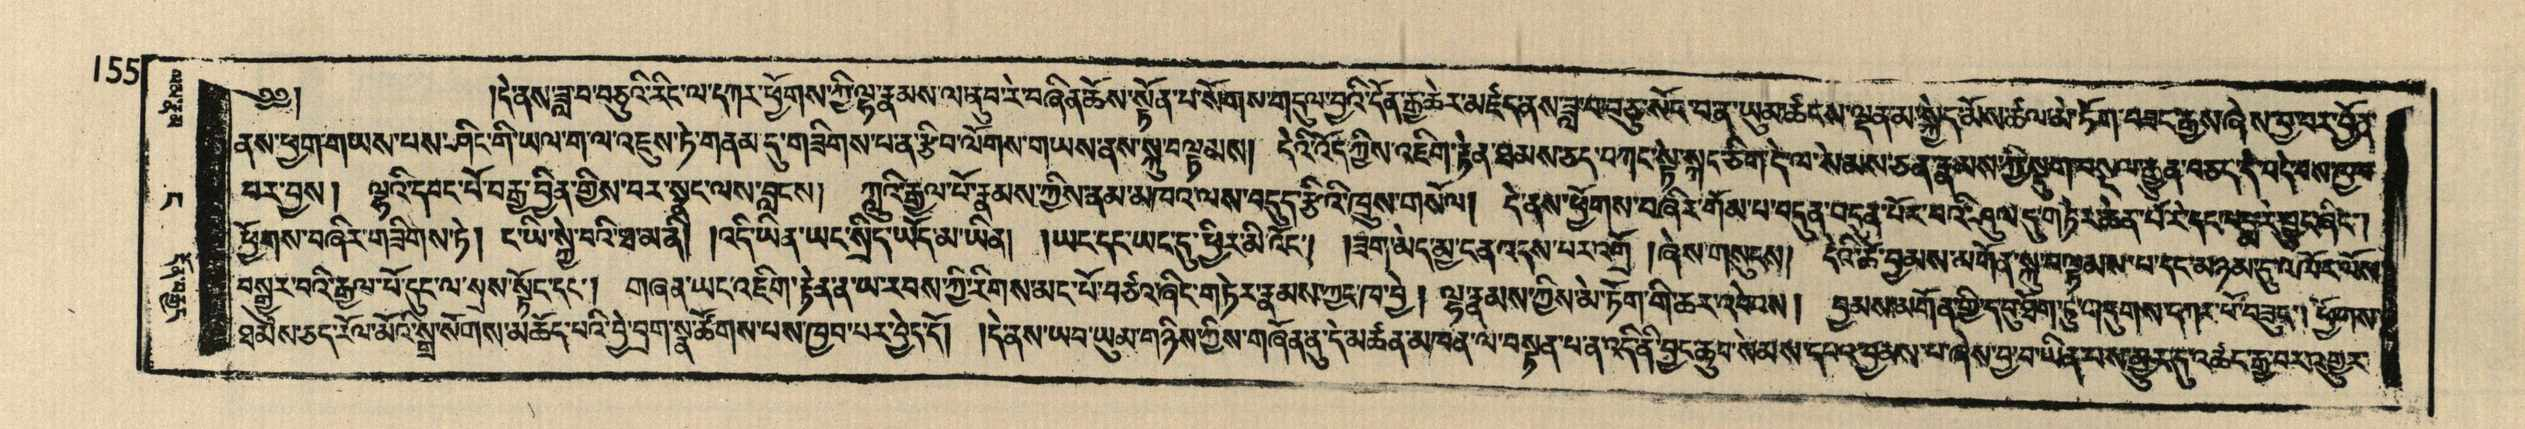༄༅། །དེ་ནས་ཟླ་བ་བཅུའི་རིང་ལ་དཀར་ཕྱོགས་ཀྱི་ལྷ་རྣམས་ལ་ནུབ་རེ་བཞིན་ཆོས་སྟོན་པ་སོགས་གདུལ་བྱའི་དོན་རྒྱ་ཆེར་མཛད་ནས་ཟླ་བ་བཅུ་སོང་བ་ན་ཡུམ་ཚངས་ལྡན་མ་སྐྱེད་མོས་ཚལ་མེ་ཏོག་བཟང་རྒྱས་ཞེས་བྱ་བར་བྱོན་
ནས་ཕྱག་གཡས་པས་ཤིང་གི་ཡལ་ག་ལ་འཇུས་ཏེ་གནམ་དུ་གཟིགས་པ་ན་རྩིབ་ལོགས་གཡས་ནས་སྐུ་བལྟམས། དེའི་འོད་ཀྱིས་འཇིག་རྟེན་ཐམས་ཅད་བཀང་སྟེ་སྐད་ཅིག་དེ་ལ་སེམས་ཅན་རྣམས་ཀྱི་སྡུག་བསྔལ་རྒྱུན་བཅད་དེ་བདེ་བས་ཁྱབ་
པར་བྱས། ལྷའི་དབང་པོ་བརྒྱ་བྱིན་གྱིས་བར་སྣང་ལས་བླངས། ཀླུའི་རྒྱལ་པོ་རྣམས་ཀྱིས་ནམ་མཁའ་ལས་བདུད་རྩིའི་ཁྲུས་གསོལ། དེ་ནས་ཕྱོགས་བཞིར་གོམ་པ་བདུན་བདུན་པོར་པའི་ཤུལ་དུ་གཏེར་ཆེན་པོ་རེ་དང་པདམ་རེ་བྱུང་ཞིང་།
ཕྱོགས་བཞིར་གཟིགས་ཏེ། ང་ཡི་སྐྱེ་བའི་ཐ་མ་ནི། །འདི་ཡིན་ཡང་སྲིད་ཡོད་མ་ཡིན། །ཡང་དང་ཡང་དུ་ཕྱིར་མི་འོང་། །ཟག་མེད་མྱ་ངན་འདས་པར་འགྲོ་།ཞེས་གསུངས། དེའི་ཚེ་བྱམས་མགོན་སྐུ་བལྟམས་པ་དང་མཉམ་དུ་འཁོར་ལོས་
བསྒྱུར་བའི་རྒྱལ་པོ་དུང་ལ་སྲས་སྟོང་དང་། གཞན་ཡང་འཇིག་རྟེན་ན་ཡ་རབས་ཀྱི་རིགས་མང་པོ་བཙའ་ཞིང་གཏེར་རྣམས་ཀྱང་ཁ་བྱེ། ལྷ་རྣམས་ཀྱིས་མེ་ཏོག་གི་ཆར་འབེབས། བྱམས་མགོན་གྱི་དབུ་ཐོག་ཏུ་གདུགས་དཀར་པོ་བཟུང་། ཕྱོགས་
ཐམས་ཅད་རོལ་མོའི་སྒྲ་སོགས་མཆོད་པའི་བྱེ་བྲག་སྣ་ཚོགས་པས་ཁྱབ་པར་བྱེད་དོ། །དེ་ནས་ཡབ་ཡུམ་གཉིས་ཀྱིས་གཞོན་ནུ་དེ་མཚན་མཁན་ལ་བསྟན་པ་ན་འདི་ནི་བྱང་ཆུབ་སེམས་དཔའ་བྱམས་པ་ཞེས་བྱ་བ་ཡིན་པས་མྱུར་དུ་འཚང་རྒྱ་བར་འགྱུར་